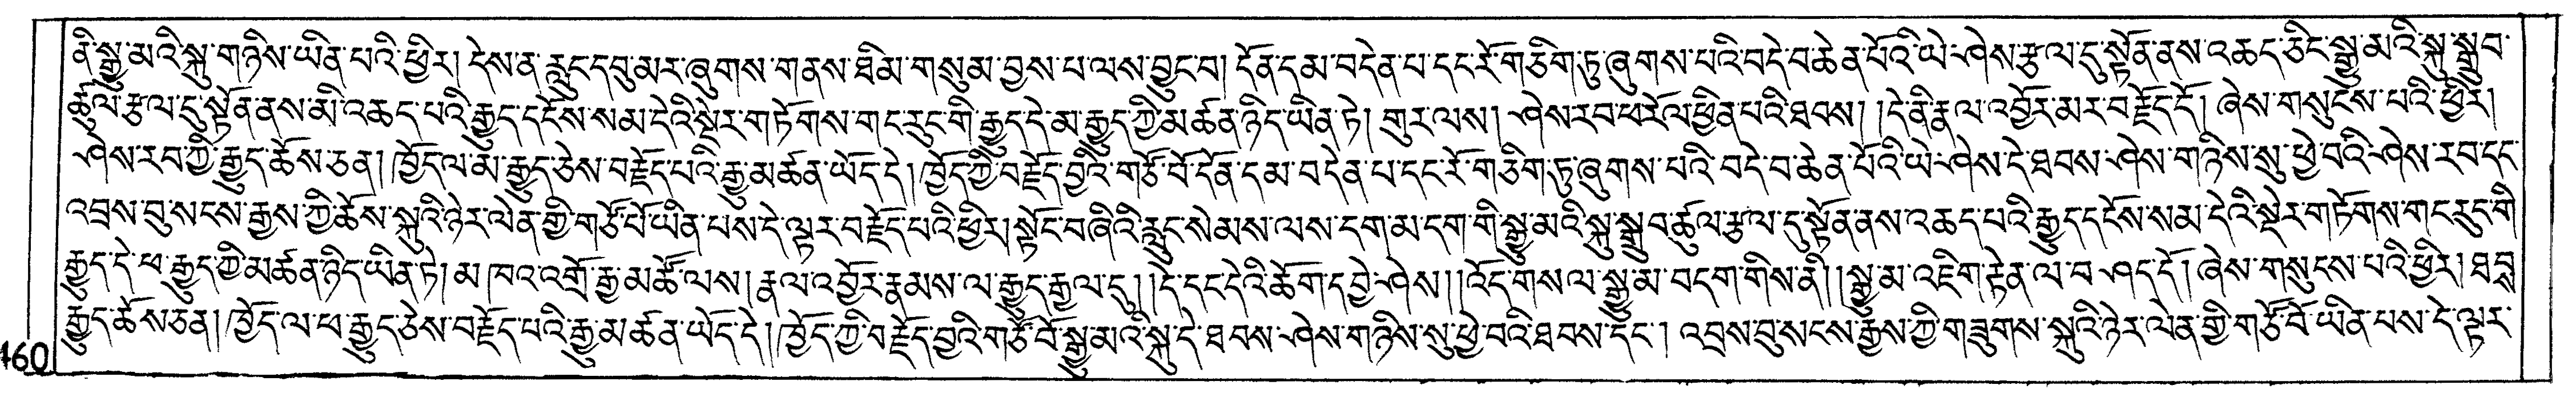ནི་སྒྱུ་མའི་སྐུ་གཉིས་ཡིན་པའི་ཕྱིར། དེས་ན་རླུང་དབུ་མར་ཞུགས་གནས་ཐིམ་གསུམ་བྱས་པ་ལས་བྱུང་བ། དོན་དམ་བདེན་པ་དང་རོ་གཅིག་ཏུ་ཞུགས་པའི་བདེ་བ་ཆེན་པོའི་ཡེ་ཤེས་རྩལ་དུ་སྟོན་ནས་འཆད་ཅིང་སྒྱུ་མའི་སྐུ་སྒྲུབ་ཚུལ་རྩལ་དུ་སྟོན་ནས་མི་འཆད་པའི་རྒྱུད་དངོས་སམ་དེའི་སྡེར་གཏོགས་གང་རུང་གི་རྒྱུད་དེ་མ་རྒྱུད་ཀྱི་མཚན་ཉིད་ཡིན་ཏེ། གུར་ལས། ཤེས་རབ་ཕ་རོལ་ཕྱིན་པའི་ཐབས། །དེ་ནི་རྣལ་འབྱོར་མར་བརྗོད་དོ། ཞེས་གསུངས་པའི་ཕྱིར།
ཤེས་རབ་ཀྱི་རྒྱུད་ཆོས་ཅན། ཁྱོད་ལ་མ་རྒྱུད་ཅེས་བརྗོད་པའི་རྒྱུ་མཚན་ཡོད་དེ། ཁྱོད་ཀྱི་བརྗོད་བྱའི་གཙོ་བོ་དོན་དམ་བདེན་པ་དང་རོ་གཅིག་ཏུ་ཞུགས་པའི་བདེ་བ་ཆེན་པོའི་ཡེ་ཤེས་དེ་ཐབས་ཤེས་གཉིས་སུ་ཕྱེ་བའི་ཤེས་རབ་དང་
འབྲས་བུ་སངས་རྒྱས་ཀྱི་ཆོས་སྐུའི་ཉེར་ལེན་གྱི་གཙོ་བོ་ཡིན་པས་དེ་ལྟར་བརྗོད་པའི་ཕྱིར། སྟོང་བཞིའི་རླུང་སེམས་ལས་དག་མ་དག་གི་སྒྱུ་མའི་སྐུ་སྒྲུབ་ཚུལ་རྩལ་དུ་སྟོན་ནས་འཆད་པའི་རྒྱུད་དངོས་སམ་དེའི་སྡེར་གཏོགས་གང་རུང་གི་
རྒྱུད་དེ་ཕ་རྒྱུད་ཀྱི་མཚན་ཉིད་ཡིན་ཏེ། མཁའ་འགྲོ་རྒྱ་མཚོ་ལས། རྣལ་འབྱོར་རྣམས་ལ་རྒྱུད་རྒྱལ་དུ། །དེ་དང་དེའི་ཆོག་དབྱེ་ཤེས། །འོད་གསལ་སྒྱུ་མ་བདག་གིས་ནི། །སྒྱུ་མ་འཇིག་རྟེན་ལ་བཤད་དོ། ཞེས་གསུངས་པའི་ཕྱིར། ཐབས་
རྒྱུད་ཆོས་ཅན། ཁྱོད་ལ་ཕ་རྒྱུད་ཅེས་བརྗོད་པའི་རྒྱུ་མཚན་ཡོད་དེ། ཁྱོད་ཀྱི་བརྗོད་བྱའི་གཙོ་བོ་སྒྱུ་མའི་སྐུ་དེ་ཐབས་ཤེས་གཉིས་སུ་ཕྱེ་བའི་ཐབས་དང་། འབྲས་བུ་སངས་རྒྱས་ཀྱི་གཟུགས་སྐུའི་ཉེར་ལེན་གྱི་གཙོ་བོ་ཡིན་པས་དེ་ལྟར་